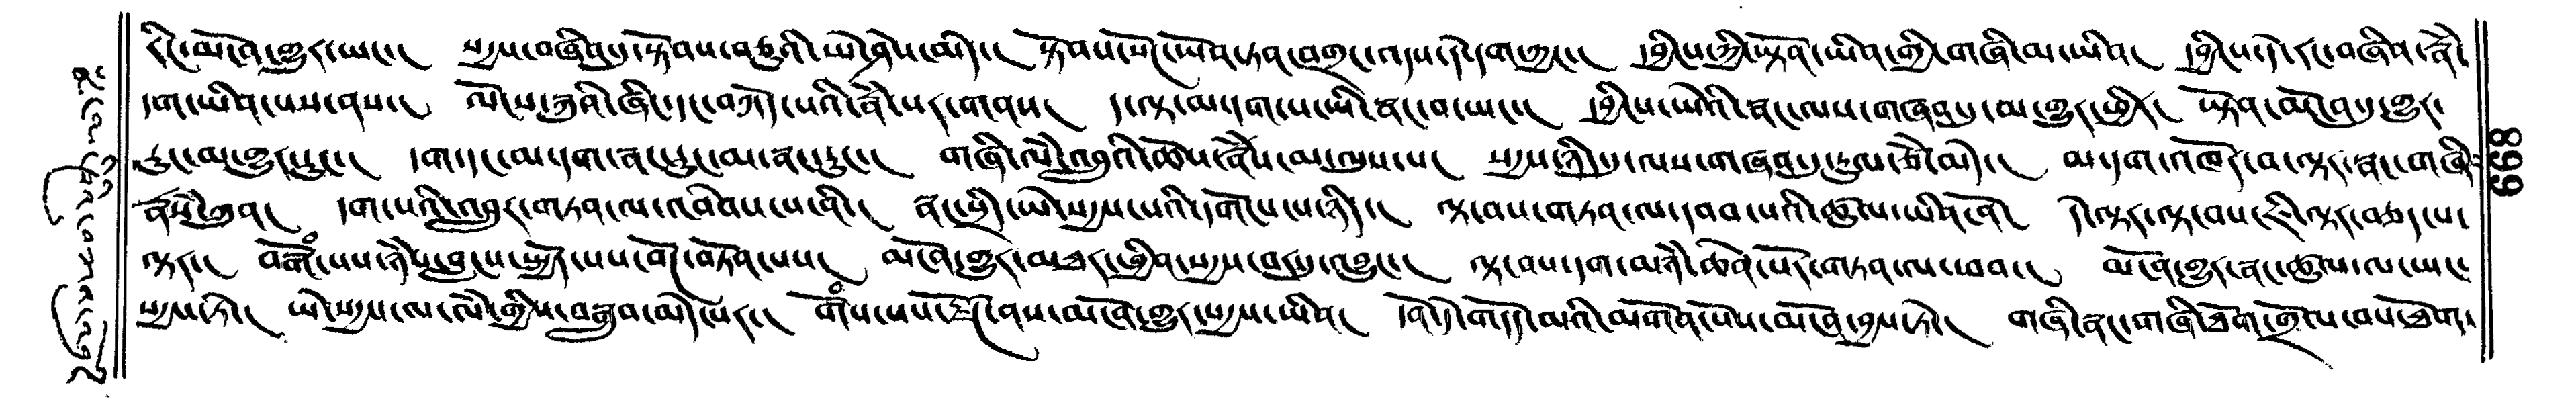རིགས་མངོན་གྱུར་ཡང་། །སངས་རྒྱས་བཞིན་དུ་སྟོབས་བཅུའི་ཡེ་ཤེས་མེད། །སྟོབས་སོགས་ཡོན་ཏན་བགྲང་འདས་དེ་དག་ཀྱང་། །དབྱིངས་ཀྱི་ཡོན་ཏན་ཡིན་གྱི་གཞི་མ་ཡིན། །དབྱིངས་དེ་རང་བཞིན་རྣམ་
དག་ཡིན་པས་ན། །ལོངས་སྐུའི་ཞིང་དང་བཀོད་པའི་རྣམ་པར་གནས། །ད་ལྟ་མ་དག་པ་ཡི་སྣང་བ་ཡང་། །དབྱིངས་ཡེའི་སྣང་ལས་གཞན་དུ་མ་གྱུར་ཕྱིར། །ཡོན་ཏན་མངོན་དུ་གྱུར་
རུང་མ་གྱུར་རུང་། །དག་དང་མ་དག་སྣང་རུང་མ་སྣང་རུང་། །གཞི་ལམ་འབྲས་བུའི་ཆོས་རྣམས་མ་ལུས་པ། །སངས་རྒྱས་ཉིད་ལས་གཞན་དུ་རྡུལ་ཙམ་མེད། །མ་དག་འཁོར་བ་ལྟར་སྣང་གཞི་
རྣམས་ཀུན། །དག་པའ་འབྲས་བུར་གཏན་ལ་འབེབས་པ་ནི། སྣང་སྲིད་ཡེ་སངས་རྒྱས་པའི་དགོངས་པ་ཉིད། །ལྟ་བས་གཏན་ལ་དབབ་པའི་ཚུལ་ཡིན་ནོ། །དེ་ལྟར་ལྟ་བས་ཇི་ལྟར་བཅས་པ་
ལྟར། །བསྒོམ་པས་ཉམས་བླངས་སྤྱོད་པས་བོགས་བཏོན་པས། །མངོན་གྱུར་མཐར་ཕྱིན་སངས་རྒྱས་བར་དུ་འབྱུང་། །ལྟ་བ་དག་མཉམ་ཆེན་པོར་གཏན་ལ་ཕབ། །མངོན་གྱུར་སྣང་ཚུལ་ལ་ཡང་
སངས་རྒྱས་ཏེ། །ཡེ་སངས་རྒྱས་ལ་ལམ་གྱིས་བསྒྲུབ་མེད་པར། །གོམས་པ་རྫོགས་ནས་མངོན་གྱུར་སངས་རྒྱས་ཡིན། །དོན་དེས་གདོད་མའི་མགོན་པོ་མངོན་བྱས་ཏེ། །གཞི་སྣང་གཞི་ཐོག་གྲོལ་བས་ཐོག་